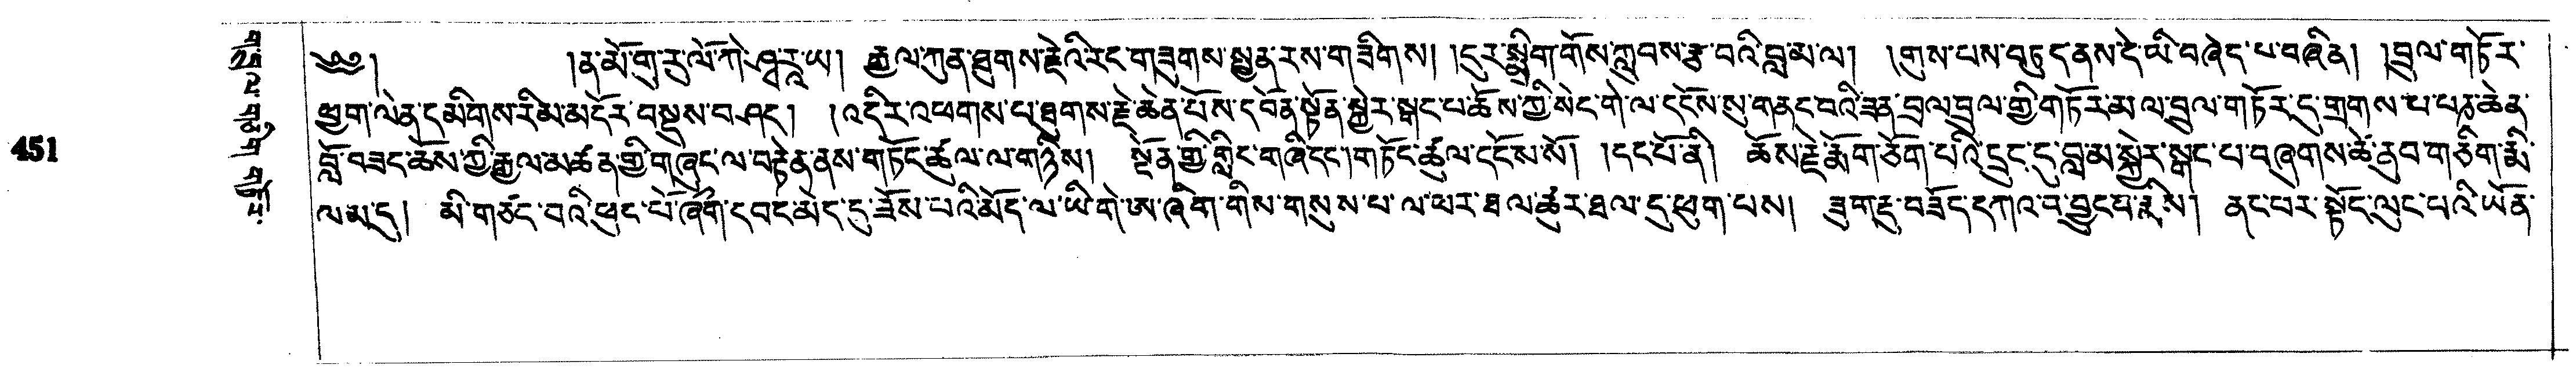༄༅། །ན་མོ་གུ་རུ་ལོ་ཀེ་ཤྭ་རཱ་ཡ། རྒྱལ་ཀུན་ཐུགས་རྗེའི་རང་གཟུགས་སྤྱན་རས་གཟིགས། །ངུར་སྨྲིག་གོས་ཀླུབས་རྩ་བའི་བླ་མ་ལ། །གུས་པས་བཏུད་ནས་དེ་ལ་བཞད་པ་བཞན། །བྲུལ་གཏར་
ཕྱག་ལེན་དམིགས་རིམ་མདོར་བསྡུས་བཤད། །འདིར་འཕགས་པ་ཐུགས་རྗེ་ཆེན་པོས་དབོན་སྟོན་སྐྱེར་སྒང་པ་ཆོས་ཀྱི་སེང་གེ་ལ་དངོས་སུ་གནང་བའི་ཟན་བྲལ་བྲུལ་གྱི་གཏོར་མ་ལ་བྲུལ་གཏོར་དུ་གྲགས་པ་པཎ་ཆེན་
བློ་བཟང་ཆོས་ཀྱི་རྒྱལ་མཚན་གྱི་གཞུང་ལ་བརྟེན་ནས་གཏོང་ཚུལ་ལ་གཉིས། སྔོན་གྱི་གླིང་གཞི་དང་། གཏོང་ཚུལ་དངོས་སོ། །དང་པོ་ནི། ཆོས་རྗེ་རྨོག་ཅོག་པའི་དྲུང་དུ་བླ་མ་སྐྱེར་སྒང་པ་བཞུགས་ཚེ་ནུབ་གཅིག་རྨི་
ལམ་དུ། མི་གཙང་བའི་ཕུང་པོ་ཞིག་དབང་མེད་དུ་ཟོས་པའི་མོད་ལ་ཡི་གེ་ཨ་ཞིག་གིས་གསུས་པ་ལ་ཕར་ཐལ་ཚུར་ཐལ་དུ་ཕུག་པས། ཟུག་རྡུ་བཟོད་དཀའ་བ་བྱུང་བ་རྨིས། ནང་པར་སྟོང་ལུང་པའི་ཡོན་